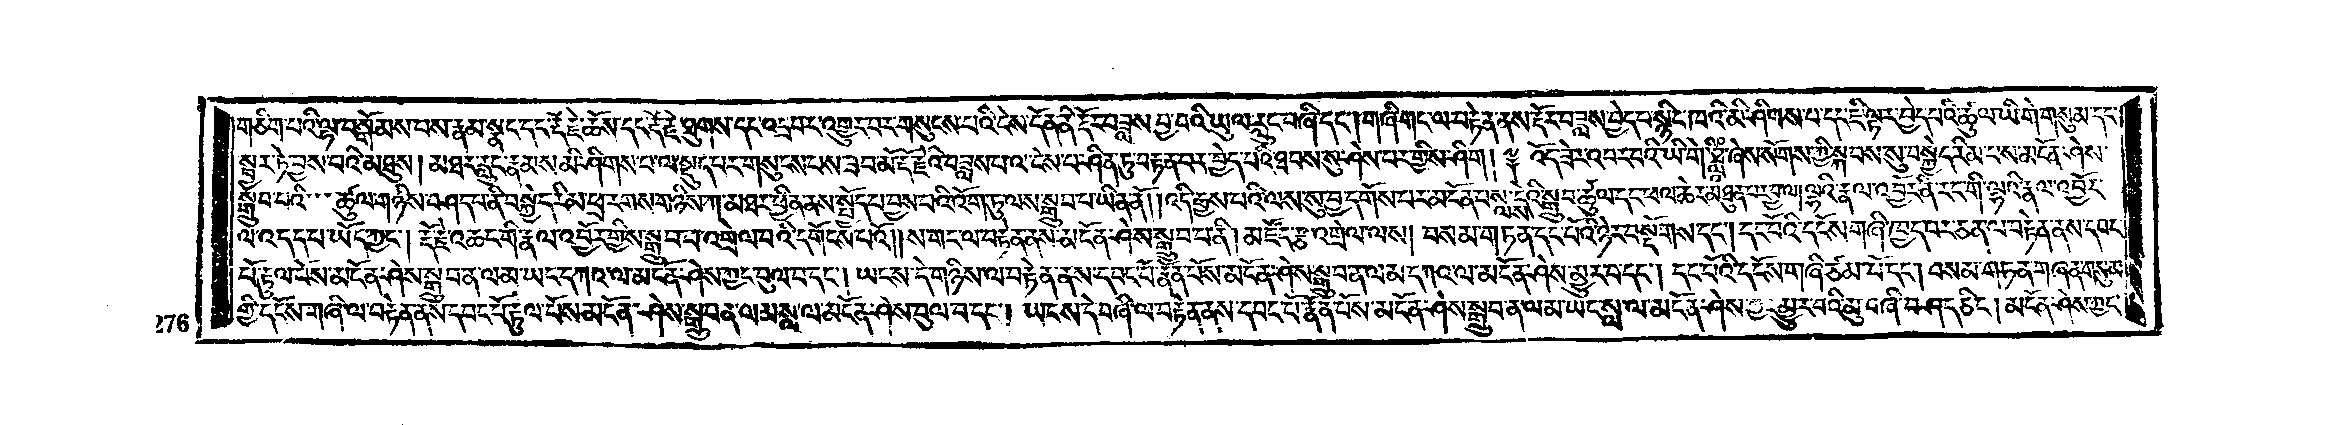གཅིག་པའི་ལྷ་བསྒོམས་པས་རྣམ་སྣང་དང་རྡོ་རྗེ་ཆོས་དང་རྡོ་རྗེ་ཐུགས་དང་འདྲ་བར་འགྱུར་བར་གསུངས་པའི་ངེས་དོན་ནི་རྡོར་བཟླས་བྱ་བའི་ཡུལ་རླུང་བཞི་དང་། གཞི་གང་ལ་བརྟེན་ནས་རྡོར་བཟླས་བྱེད་པ་སྙིང་ཁའི་མི་ཤིགས་པ་དང་ཇི་ལྟར་བྱེད་པའི་ཚུལ་ཡི་གེ་གསུམ་དང་
སྦྱར་ཏེ་བྱས་པའི་མཐུས། མཐར་རླུང་རྣམས་མི་ཤིགས་པ་ལ་སྡུད་པར་གསུངས་པས་ཟབ་མོ་རྡོ་རྗེའི་བཟླས་པ་ལ་ངེས་པ་ཤིན་ཏུ་བརྟན་པར་བྱེད་པའི་ཐབས་སུ་ཤེས་པར་གྱིས་ཤིག ། ༈ འོད་ཟེར་འབར་བའི་ཡི་གེ་ཐླཱིཾ་ཞེས་སོགས་ཀྱི་སྐབས་སུ་བསྐྱེད་རིམ་པས་མངོན་ཤེས་
སྒྲུབ་པའི་ཚུལ་གཉིས་བཤད་པ་ནི་བསྐྱེད་རིམ་ཕྲ་རགས་གཉིས་ཀ་མཐར་ཕྱིན་ནས་སྤྱོད་པ་བྱས་པའི་འོག་ཏུ་ལས་སྒྲུབ་པ་ཡིན་ནོ། །འདི་རྒྱས་པའི་ལས་སུ་བྱ་དགོས་པར་མངོན་པས་ལས་དེའི་སྒྲུབ་ཚུལ་དང་ཕལ་ཆེར་མཐུན་པར་བྱ་ལ། ལྷའི་རྣལ་འབྱོར་ནི་རང་གི་ལྷའི་རྣལ་འབྱོར་
ལ་འདད་པ་ཡོད་ཀྱང་། རྡོ་རྗེ་འཆང་གི་རྣལ་འབྱོར་གྱིས་སྒྲུབ་པ་འགྲེལ་བའི་དགོངས་པའོ། །ས་གང་ལ་བརྟེན་ནས་མངོན་ཤེས་སྒྲུབ་པ་ནི། མཛོད་རྩ་འགྲེལ་ལས། བསམ་གཏན་དང་པོའི་ཉེར་བསྡོགས་དང་། དང་པོའི་དངོས་གཞི་ཁྱད་པར་ཅན་ལ་བརྟེན་ནས་དབང་
པོ་རྟུལ་པོས་མངོན་ཤེས་སྒྲུབ་ན་ལམ་ཡང་དཀའ་ལ་མངོན་ཤེས་ཀྱང་བུལ་བ་དང་། ཡང་ས་དེ་གཉིས་ལ་བརྟེན་ནས་དབང་པོ་རྣོན་པོས་མངོན་ཤེས་སྒྲུབ་ན་ལམ་དཀའ་ལ་མངོན་ཤེས་མྱུར་བ་དང་། དང་པོའི་དངོས་གཞི་ཙམ་པོ་དང་། བསམ་གཏན་གཞན་གསུམ་
གྱི་དངོས་གཞི་ལ་བརྟེན་ནས་དབང་པོ་རྟུལ་པོས་མངོན་ཤེས་སྒྲུབ་ན་ལམ་སླ་མ་མངོན་ཤེས་བུལ་བ་དང་། ཡང་ས་དེ་བཞི་ལ་བརྟེན་ནས་དབང་པོ་རྣོན་པོས་མངོན་ཤེས་སྒྲུབ་ན་ལམ་ཡང་སླ་ལ་མངོན་ཤེས་ཀྱང་མྱུར་བའི་མུ་བཞི་བཤད་ཅིང་། མངོན་ཤེས་ཀྱང་